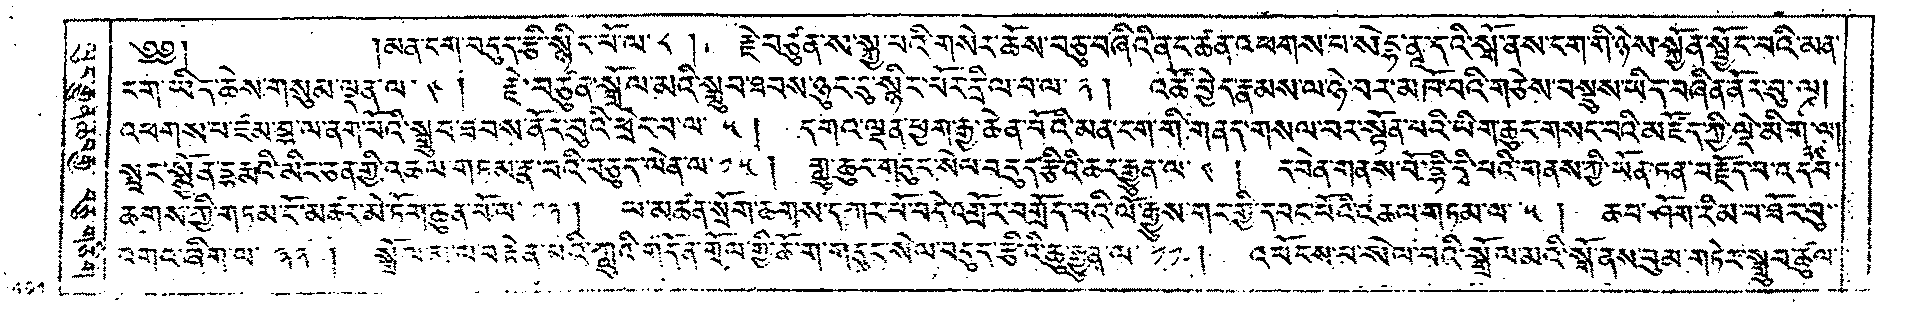༄༅། །མན་ངག་བདུད་རྩི་སྙིང་པོ་ལ ༨། རྗེ་བཙུན་ས་སྐྱ་པའི་གསེར་ཆོས་བཅུ་བཞིའི་ནང་ཚན་འཕགས་པ་སེདྷ་ནཱ་དའི་སྒོ་ནས་ངག་གི་ཉེས་སྐྱོན་སྦྱོང་བའི་མན་
ངག་ཡིད་ཆེས་གསུམ་ལྡན་ལ ༤། རྗེ་བཙུན་སྒྲོལ་མའི་སྒྲུབ་ཐབས་ཉུང་དུ་སྙིང་པོར་དྲིལ་བ་ལ ༢། འཚོ་བྱེད་རྣམས་ལ་ཉེ་བར་མཁོ་བའི་གཅེས་བསྡུས་ཡིད་བཞིན་ནོར་བུ་ལ།
འཕགས་པ་ཛམ་བྷ་ལ་ནག་པོའི་སྒྲུབ་ཐབས་ནོར་བུའི་ཕྲེང་བ་ལ ༥། དགའ་ལྡན་ཕྱག་རྒྱ་ཆེན་པོའི་མན་ངག་གི་གནད་གསལ་བར་སྟོན་པའི་ཡིག་ཆུང་གསང་བའི་མཛོད་ཀྱི་ལྡེ་མིག་ལ།
སྦྲང་སྨྱོན་དྷརྨའི་མིང་ཅན་གྱི་འཆལ་གཏམ་རྣ་བའི་བཅུད་ལེན་ལ ༡༥། གླུ་ཆུང་གདུང་སེལ་བདུད་རྩིའི་ཆར་རྒྱུན་ལ ༤། དབེན་གནས་བོ་དྷི་དྲི་པའི་གནས་ཀྱི་ཡོན་ཏན་བརྗོད་པ་འདབ ༢༤
ཆགས་ཀྱི་གཏམ་ངོ་མཚར་མེ་ཏོག་ཆུན་པོ་ལ ༢༢། ཡ་མཚན་སྲོག་ཆགས་དཀར་པོ་བདེ་འགྲོར་བགྲོད་པའི་ལོ་རྒྱུས་གར་གྱི་དབང་པོའི་འཆལ་གཏམ་ལ ༥། ཆབ་ཤོག་རིམ་པ་ཐོར་བུ་
འགའ་ཞིག་ལ ༣༢། སྒྲོལ་མ་ལ་བརྟེན་པའི་ཀླུའི་གདོན་གྲོལ་གྱི་ཆོ་ག་གདུང་སེལ་བདུད་རྩིའི་ཆུ་རྒྱུན་ལ ༡༡། འཕོངས་པ་སེལ་བའི་སྒྲོལ་མའི་སྒོ་ནས་བུམ་གཏེར་སྒྲུབ་ཚུལ་